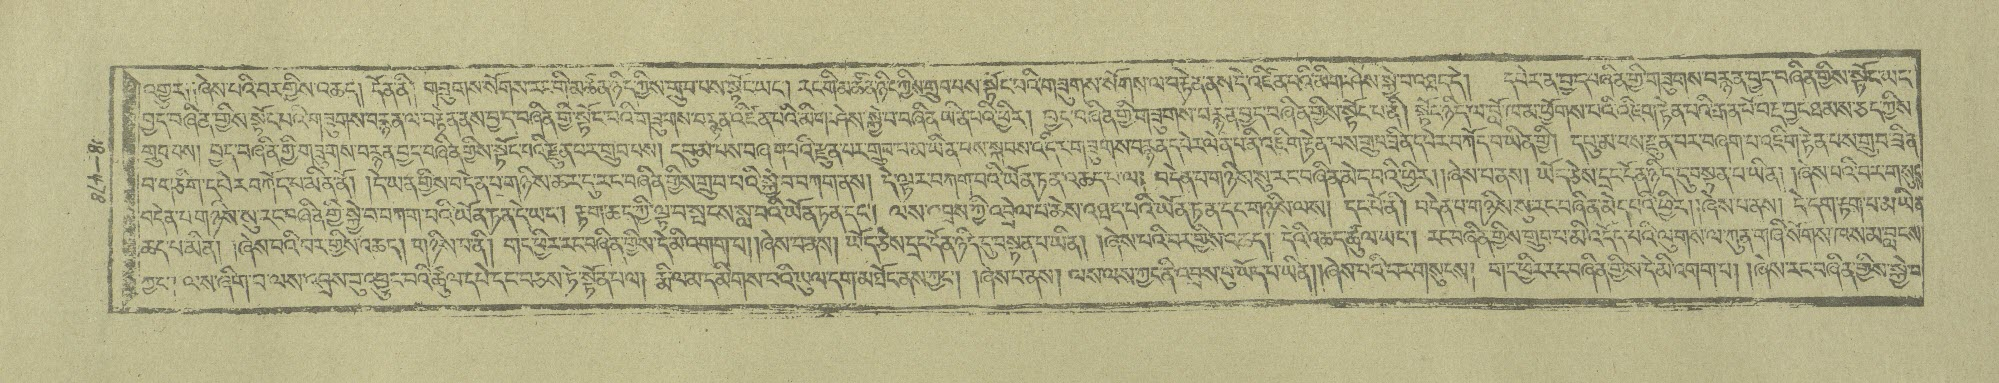འགྱུར། ཞེས་པའི་བར་གྱིས་འཆད། དོན་ནི། གཟུགས་སོགས་རང་གི་མཚན་ཉིད་ཀྱིས་གྲུབ་པས་སྟོང་ཡང་། རང་གི་མཚན་ཉིད་ཀྱིས་གྲུབ་པས་སྟོང་པའི་གཟུགས་སོགས་ལ་བརྟེན་ནས་དེ་འཛིན་པའི་མིག་ཤེས་སྐྱེ་བ་འཐད་དེ། དཔེར་ན་བྱད་བཞིན་གྱི་གཟུགས་བརྙན་བྱད་བཞིན་གྱིས་སྟོང་ཡང་།
བྱད་བཞིན་གྱིས་སྟོང་པའི་གཟུགས་བརྙན་ལ་བརྟེན་ནས་བྱད་བཞིན་གྱི་སྟོང་པའི་གཟུགས་བརྙན་འཛིན་པའི་མིག་ཤེས་སྐྱེ་བ་བཞིན་ཡིན་པའི་ཕྱིར། བྱང་བཞིན་གྱི་གཟུགས་བརྙན་བྱད་བཞིན་གྱིས་སྟོང་པ་ནི། སྟོང་ཉིད་ལ་བློ་ཁ་མ་ཕྱོགས་པའི་འཇིག་རྟེན་པའི་རྒན་པོ་བརྡ་བྱང་ཐམས་ཅད་ཀྱིས་
གྲུབ་པས། བྱད་བཞིན་གྱི་གཟུགས་བརྙན་བྱད་བཞིན་གྱིས་སྟོང་པའི་རྫུན་པར་གྲུབ་པས། དབུ་མ་པས་བཞག་པའི་རྫུན་པར་གྲུབ་པ་མ་ཡིན་པས་སྐབས་འདིར་གཟུགས་བརྙན་དཔེར་ལེན་པ་ནི་འཇིག་རྟེན་པས་གྲུབ་ཟིན་དཔེར་བཀོད་པ་ཡིན་གྱི། དབུ་མ་པས་རྫུན་པར་བཞག་པ་འཇིག་རྟེན་པས་གྲུབ་ཟིན་
པ་གཅིག་དཔེར་བཀོད་པ་མིན་ནོ། །དེ་ཡན་གྱིས་བདེན་པ་གཉིས་ཆར་དུ་རང་བཞིན་གྱིས་གྲུབ་པའི་སྐྱེ་བ་བཀག་ནས། དེ་ལྟར་བཀག་པའི་ཡོན་ཏན་འཆད་པ་ལ། བདེན་པ་གཉིས་སུ་རང་བཞིན་མེད་པའི་ཕྱིར། །ཞེས་པ་ནས། ཡོད་ཅེས་དྲང་དོན་ཉིད་དུ་བསྟན་པ་ཡིན། །ཞེས་པའི་བར་གསུངས་
བདེན་པ་གཉིས་སུ་རང་བཞིན་གྱི་སྐྱེ་བ་བཀག་པའི་ཡོན་ཏན་དེ་ཡང་། རྟག་ཆད་ཀྱི་ལྟ་བ་སྤངས་སླ་བའི་ཡོན་ཏན་དང་། ལས་འབྲས་ཀྱི་འབྲེལ་པ་ཆེས་འཐད་པའི་ཡོན་ཏན་དང་གཉིས་ལས། དང་པོ་ནི། བདེན་པ་གཉིས་སུ་རང་བཞིན་མེད་པའི་ཕྱིར། །ཞེས་པ་ནས། དེ་དག་རྟག་པ་མ་ཡིན་
ཆད་པ་མིན། །ཞེས་པའི་བར་གྱིས་འཆད། གཉིས་པ་ནི། གང་ཕྱིར་རང་བཞིན་གྱིས་དེ་མི་འགག་པ། །ཞེས་པ་ནས། ཡོད་ཅེས་དྲང་དོན་ཉིད་དུ་བསྟན་པ་ཡིན། །ཞེས་པའི་བར་གྱིས་འཆད། དེའི་འཆད་ཚུལ་ཡང་། རང་བཞིན་གྱིས་གྲུབ་པ་མི་འདོད་པའི་ལུགས་ལ་ཀུན་གཞི་སོགས་ཁས་མ་བླངས་
ཀྱང་། ལས་ཞིག་པ་ལས་འབྲས་བུ་འབྱུང་བའི་ཚུལ་དཔེ་དང་བཅས་ཏེ་སྟོན་པ་ལ། རྨི་ལམ་དམིགས་པའི་ཡུལ་དག་མཐོང་ནས་ཀྱང་། །ཞེས་པ་ནས། ལས་ལས་ཀྱང་ནི་འབྲས་བུ་ཡོད་པ་ཡིན། །ཞེས་པའི་བར་གསུངས། གང་ཕྱིར་རང་བཞིན་གྱིས་དེ་མི་འགག་པ། །ཞེས་རང་བཞིན་གྱིས་སྐྱེ་བ་